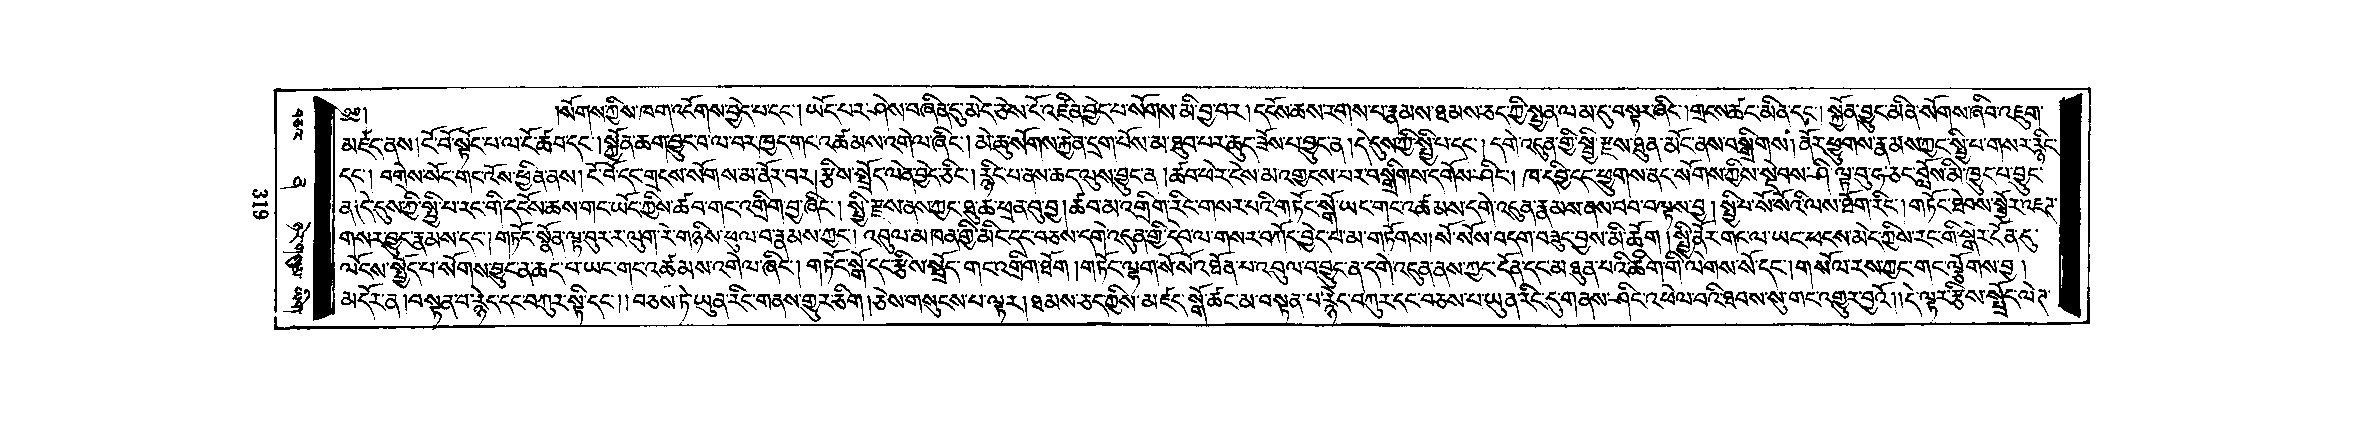༄༅། །སོགས་ཀྱིས་ཁག་འདོགས་བྱེད་པ་དང་། ཡོད་པར་ཤེས་བཞིན་དུ་མེད་ཅེས་ངོ་འཛིན་བྱེད་པ་སོགས་མི་བྱ་བར། དངོས་ཆས་རགས་པ་རྣམས་ཐམས་ཅད་ཀྱི་སྤྱན་ལམ་དུ་བསྟར་ཞིང་། གྲངས་ཚང་མིན་དང་། སྐྱོན་བྱུང་མིན་སོགས་ཞིབ་འཇུག་
མཛད་ནས། ངོ་བོ་སྟོང་པ་ལ་ངོ་ཚབ་དང་། སྐྱོན་ཆག་བྱུང་བ་ལ་བར་ཁྱད་གང་འཚམས་འགེལ་ཞིང་། མེ་ཆུ་སོགས་རྐྱེན་དྲག་པོས་མ་ཐུབ་པར་ཆུད་ཟོས་པ་བྱུང་ན། དེ་དུས་ཀྱི་སྤྱི་པ་དང་། དགེ་འདུན་གྱི་སྦྱི་རྫས་ཐུན་མོང་ནས་བསྒྲིགས། ནོར་ཕྱུགས་རྣམས་ཀྱང་སྤྱི་པ་གསར་རྙིང་
དང་། བགྲེས་སོང་གང་འོས་ཕྱིན་ནས། ངོ་བོ་དང་གྲངས་སོགས་མ་ནོར་བར། རྩིས་སྤྲོད་ལེན་བྱེད་ཅིང་། རྙིང་པ་ནས་ཆད་ལུས་བྱུང་ན། ཚབ་ཕེར་ངེས་མ་འགྱངས་པར་བསྒྲིགས་དགོས་ཤིང་། ཁ་དབྱི་དང་ཕྱུགས་ནད་སོགས་ཀྱིས་སྡེབས་ཤི་ལྟ་བུ་ཧ་ཅང་བློས་མི་ཁྱུང་པ་བྱུང་
ན། དེ་དུས་ཀྱི་སྤྱི་པ་རང་གི་དངོས་ཆས་གང་ཡོད་ཀྱིས་ཚབ་གང་འགྲིག་བྱ་ཞིང་། སྤྱི་རྫས་ནས་ཀྱང་ཐུ་ཆ་ཕྲན་བུ་བྱ། ཚབ་མ་འགྲིག་རིང་གསར་པའི་གཏོང་སྒོ་ཡང་གང་འཚམས་དགེ་འདུན་རྣམས་ནས་བབ་བལྟས་བྱ། སྤྱི་པ་སོ་སོའི་ལས་ཐོག་རིང་། གཏོང་ཐེབས་སྦྱོར་འཇགས་
གསར་བྱུང་རྣམས་དང་། གཏོང་སྣོན་ལྟ་བུར་ར་ལུག་རེ་གཉིས་ཕུལ་བ་རྣམས་ཀྱང་། འབུལ་མཁན་གྱི་མིང་དང་བཅས་དགེ་འདུན་གྱི་དེབ་ལ་གསར་བཀོད་བྱེད་པ་མ་གཏོགས། སོ་སོས་བདག་བཟུང་བྱས་མི་ཆོག །སྤྱི་ནོར་གང་ལ་ཡང་ཕངས་མེད་ཀྱིས་རང་གི་སྒེར་དོན་དུ་
ལོངས་སྤྱོད་པ་སོགས་བྱུང་ན་ཆད་པ་ཡང་གང་འཚམས་འགེལ་ཞིང་། གཏོང་སྒོ་དང་རྩིས་སྤྲོད་གང་འགྲིག་ཐོག །གཏོང་ལྷག་སོ་སོ་འཐོན་པ་འབུལ་བ་བྱུང་ན་དགེ་འདུན་ནས་ཀྱང་དོན་དང་མཐུན་པའི་ཚིག་གི་ལེགས་སོ་དང་། གསོལ་རས་ཀྱང་གང་ལྕོགས་བྱ།
མདོར་ན། བསྟན་པ་རྙེད་དང་བཀུར་སྟི་དང་། །བཅས་ཏེ་ཡུན་རིང་གནས་གྱུར་ཅིག །ཅེས་གསུངས་པ་ལྟར། ཐམས་ཅད་ཀྱིས་མཛད་སྒོ་ཚང་མ་བསྟན་པ་རྙེད་བཀུར་དང་བཅས་པ་ཡུན་རིང་དུ་གནས་ཤིང་འཕེལ་བའི་ཐབས་སུ་གང་འགྱུར་བྱའོ། །དེ་ལྟར་རྩིས་སྤྲོད་ལེགས་